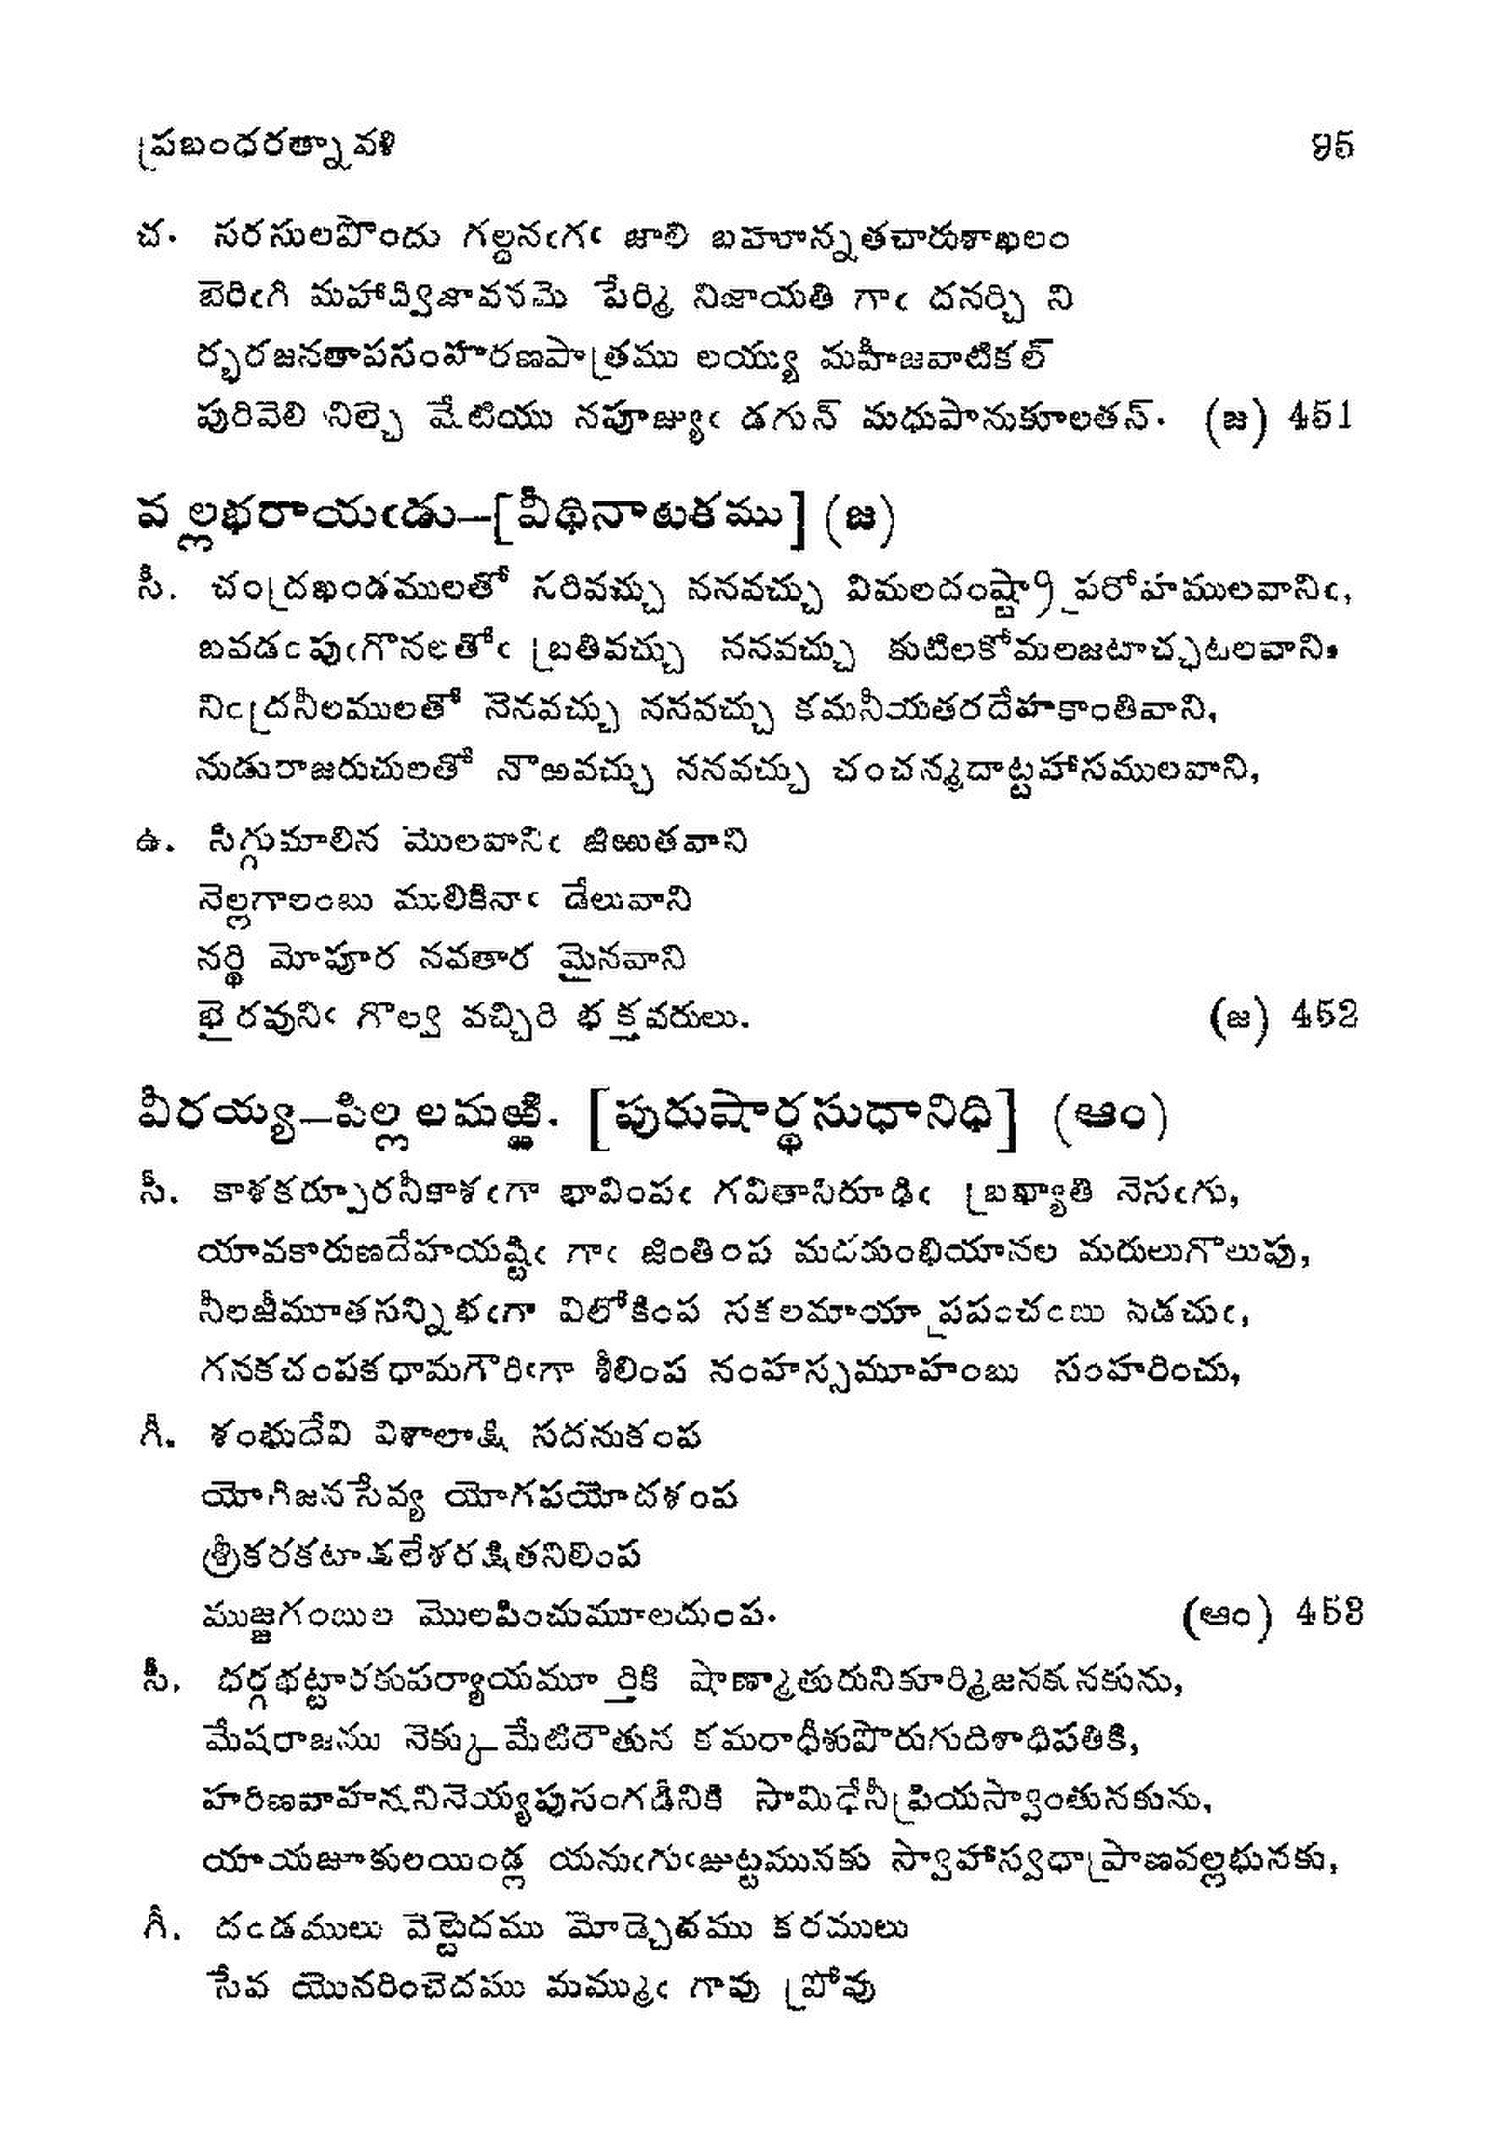చ. సరసులపొందు గల్దనఁగఁ జాలి బహూన్నతచారుశాఖలం
బెరిఁగి మహాద్విజావనమె పేర్చి నిజాయతిగాఁ దనర్చి ని
ర్భర జనతాపసంహరణపాత్రములయ్యు మహీజవాటికల్
పురివెలి నిల్చె మేటియు నపూజ్యుఁ డగున్ మధుపానుకూలతన్. (జ) 451

వల్లభరాయఁడు [వీథినాటకము] (జ)
సీ. చంద్రఖండములతో సరివచ్చు ననవచ్చు విమలదంష్ట్రాప్రరోహములవానిఁ,
బవడంపుఁగొనలతోఁ బ్రతివచ్చు ననవచ్చు కుటిలకోమలజటాచ్ఛటలవాని,
నింద్రనీలములతో నెనవచ్చు ననవచ్చు కమనీయతరదేహకాంతివాని,
నుడురాజరుచులతో నొఱవచ్చు ననవచ్చు చంచన్మదాట్టహాసములవాని,
గీ. సిగ్గుమాలిన మొలవానిఁ జిఱుతవాని
నెల్లగాలంబు ములికినాఁ డేలువాని
నర్థి మోపూర నవతారమైనవాని
భైరవునిఁ గొల్వ వచ్చిరి భక్తవరులు. (జ) 452

వీరయ్య, పిల్లలమఱ్ఱి [పురుషార్థసుధానిధి] (ఆం)
సీ. కాశకర్పూరనీకాశఁగా భావింపఁ గవితానిరూఢిఁ బ్రఖ్యాతి నెసఁగు,
యావకారుణదేహయష్టిఁ గాఁ జింతింప మదకుంభియానల మరులుగొలుపు,
నీలజీమూతసన్నిభఁగా విలోకింప సకలమాయాప్రపంచంబు నడఁచుఁ,
గనకచంపకధామగౌరిఁగా శీలింప నంహస్సమూహంబు సంహరించు,
గీ. శంభుదేవి విశాలాక్షి సదనుకంప
యోగిజనసేవ్య యోగపయోదశంప
శ్రీకర కటాక్షలేశరక్షిత నిలింప
ముజ్జగంబుల మొలిపించుమూలదుంప. (ఆం) 453

సీ. భర్గభట్టారకు పర్యాయమూర్తికి షాణ్మాతురుని కూర్మిజనకునకును,
మేషరాజము నెక్కుమేటిరౌతున కమరాధీశుపొరుగుదిశాధిపతికి,
హరిణవాహనుని నెయ్యపుసంగడీనికి సామిధేనీప్రియస్వాంతునకును,
యాయజూకులయిండ్ల యనుఁగుఁజుట్టమునకు స్వాహాస్వధాప్రాణవల్లభునకు,
గీ. దండములు వెట్టెదము మోడ్చెదము కరములు
సేవ యొనరించెదము మమ్ముఁగావు ప్రోవు